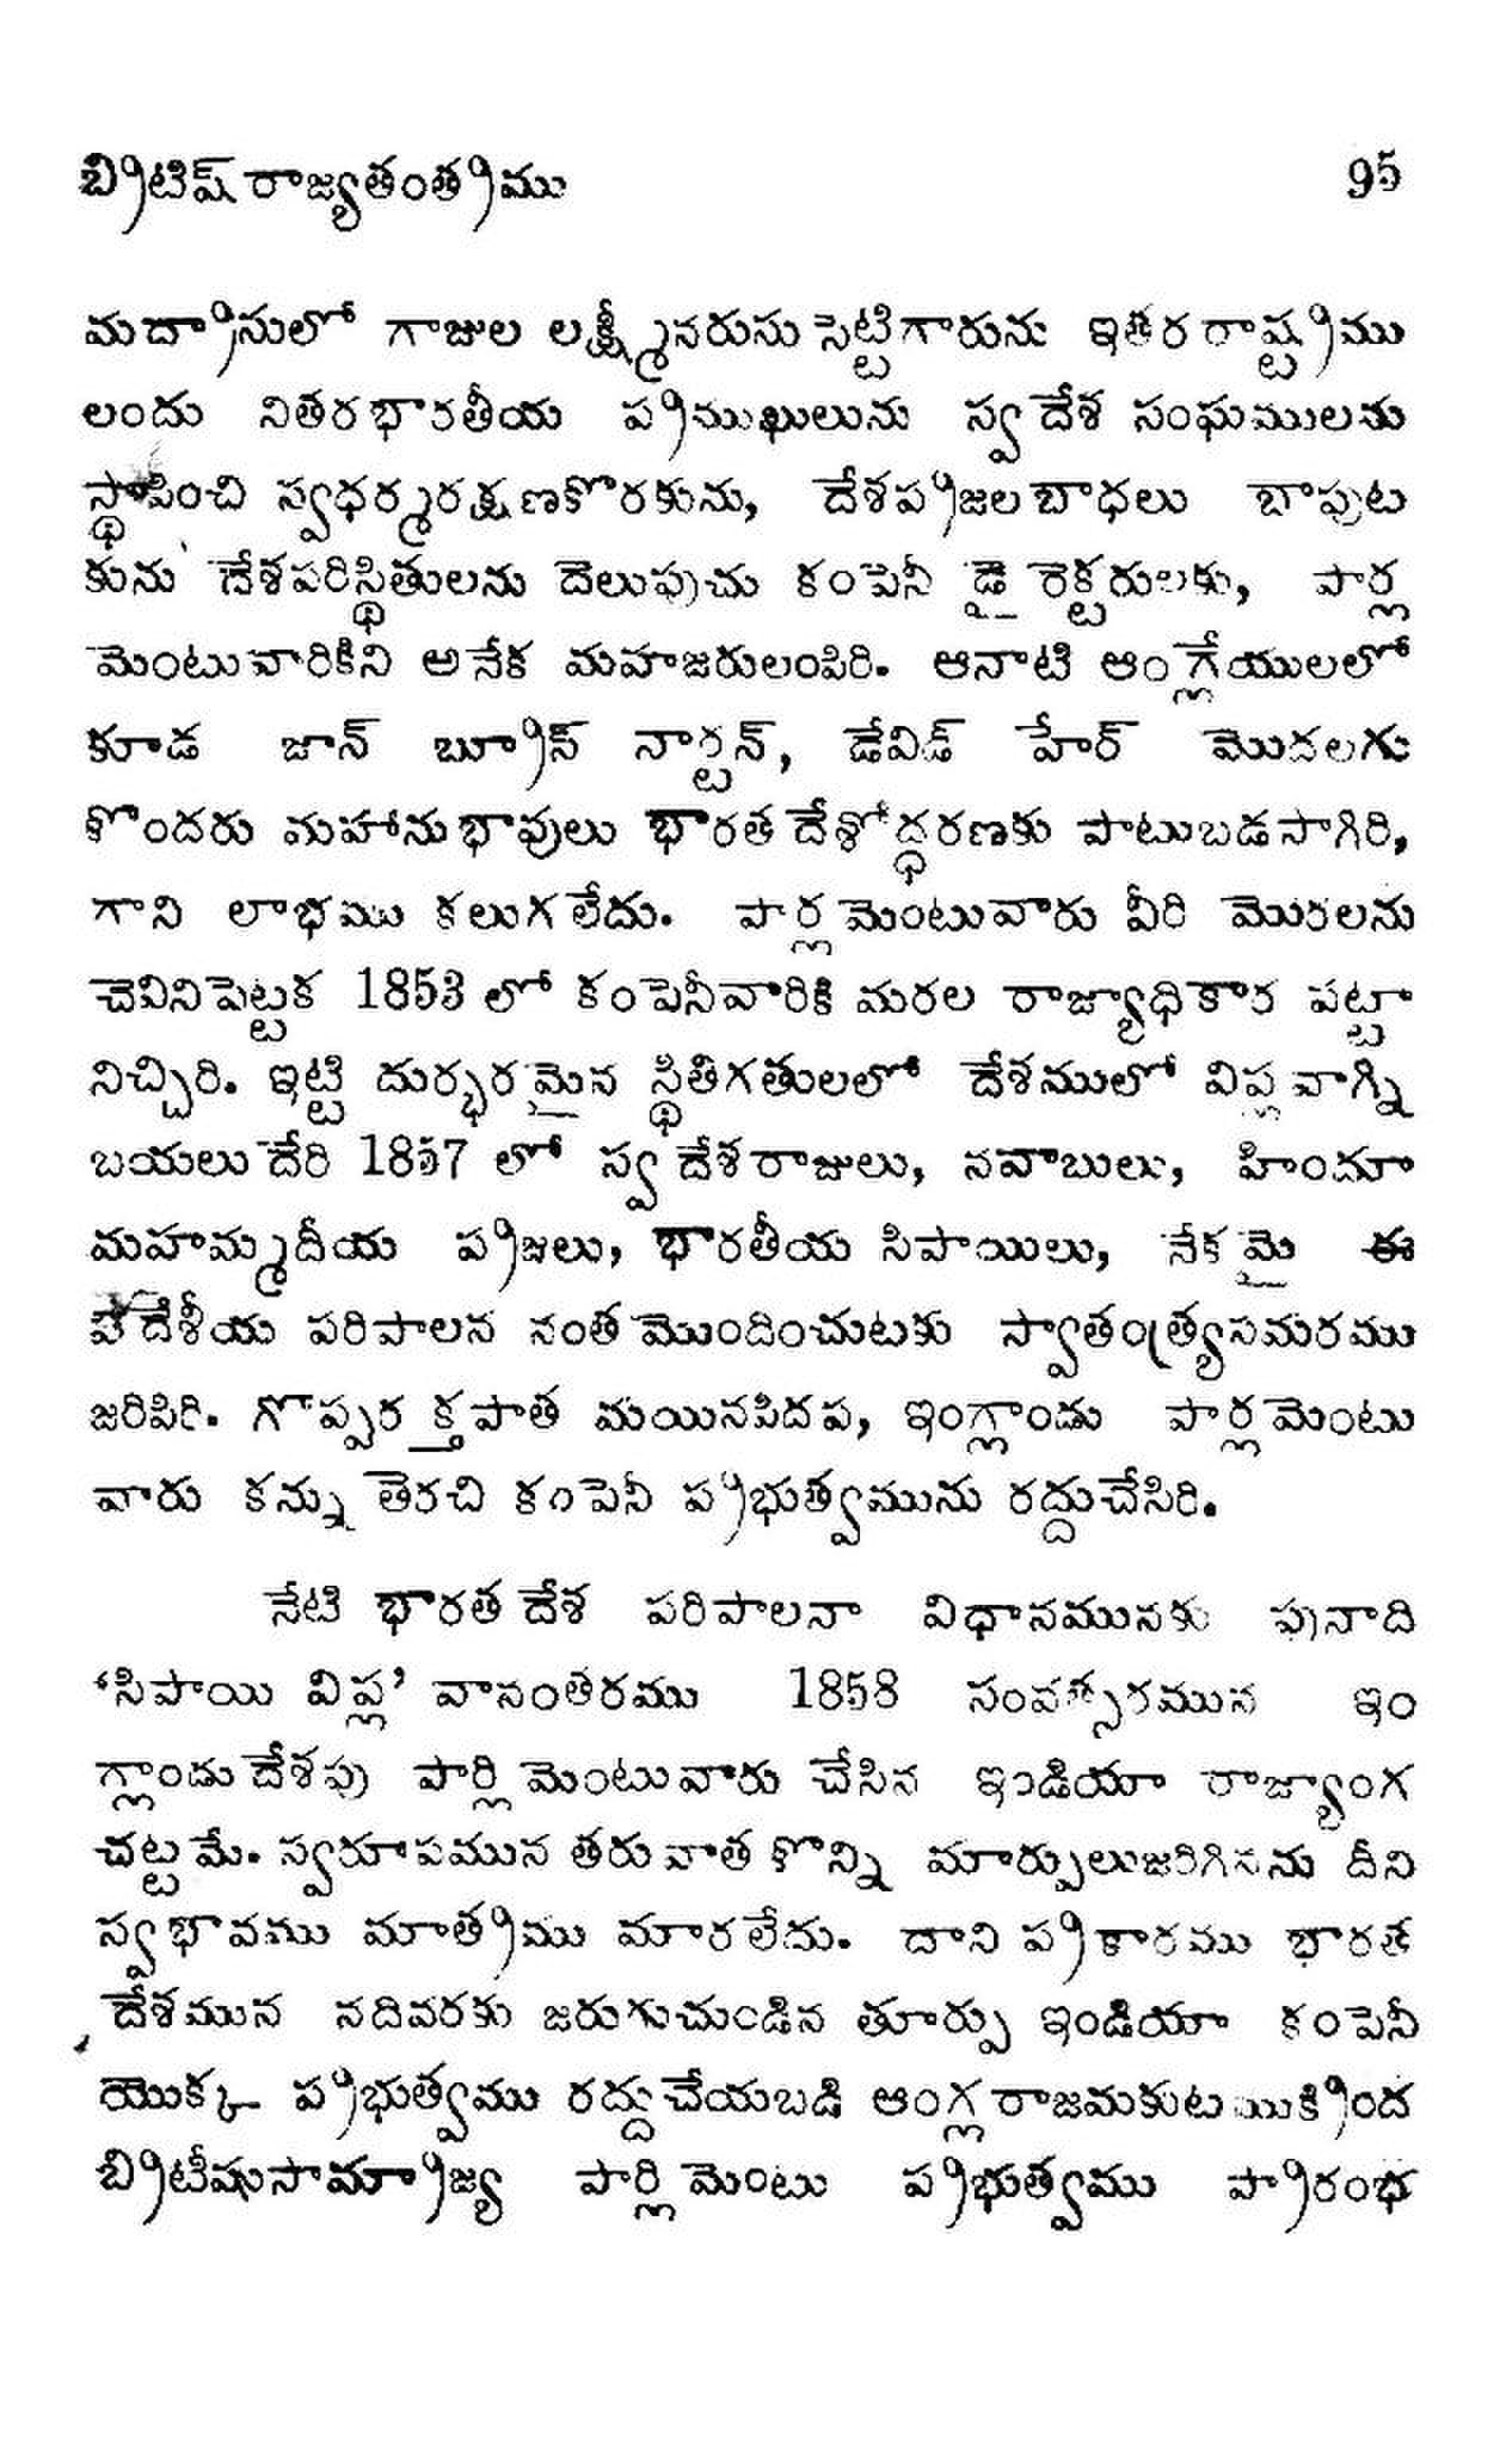మద్రాసులో గాజుల లక్ష్మీనరుసుసెట్టిగారును ఇతరరాష్ట్రము లందు నితరభారతీయ ప్రముఖులును స్వదేశ సంఘములను స్థాపించి స్వధర్మరక్షణకొరకును, దేశప్రజలబాధలు బాఫుటకును దేశపరిస్థితులను దెలుపుచు కంపెనీ డైరెక్టరులకు, పార్లమెంటువారికిని అనేక మహజరులంపిరి. ఆనాటి ఆంగ్లేయులలో కూడ జాన్ బ్రూస్ నార్టన్, డేవిడ్ హేర్ మొదలగు కొందరు మహానుభావులు భారతదేశోద్ధరణకు పాటుబడసాగిరి, గాని లాభము కలుగలేదు. పార్లమెంటువారు వీరి మొరలను చెవినిపెట్టక 1853 లో కం పెనీవారికి మరల రాజ్యధికార పట్టానిచ్చిరి. ఇట్టి దుర్బరమైన స్థితిగతులలో దేశములో విప్లవాగ్ని బయలుదేరి 1857 లో స్వదేశరాజులు, నవాబులు, హిందూమహమ్మదీయ ప్రజలు, భారతీయ సిపాయిలు, నేకమై ఈ విదేశీయ పరిపాలన నంతమొందించుటకు స్వాతంత్ర్యసమరము జరిపిరి. గొప్పరక్తపాత మయినపిదప, ఇంగ్లాండు పార్లమెంటువారు కన్ను తెరచి కంపెనీ ప్రభుత్వమును రద్దుచేసిరి.

నేటి భారతదేశ పరిపాలనా విధానమునకు పునాది 'సిపాయి విప్ల' వానంతరము 1858 సంవత్సరమున ఇంగ్లాండుదేశపు పార్లిమెంటువారు చేసిన ఇండియా రాజ్యాంగచట్టమే. స్వరూపమున తరువాతకొన్ని మార్పులుజరిగినను దీని స్వభావము మాత్రము మారలేదు. దాని ప్రకారము భారతదేశమున నదివరకు జరుగుచుండిన తూర్పు ఇండియా కంపెనీయొక్క ప్రభుత్వము రద్దుచేయబడి ఆంగ్లరాజమకుటముక్రింద బ్రిటీషుసామ్రాజ్య పార్లిమెంటు ప్రభుత్వము ప్రారంభ